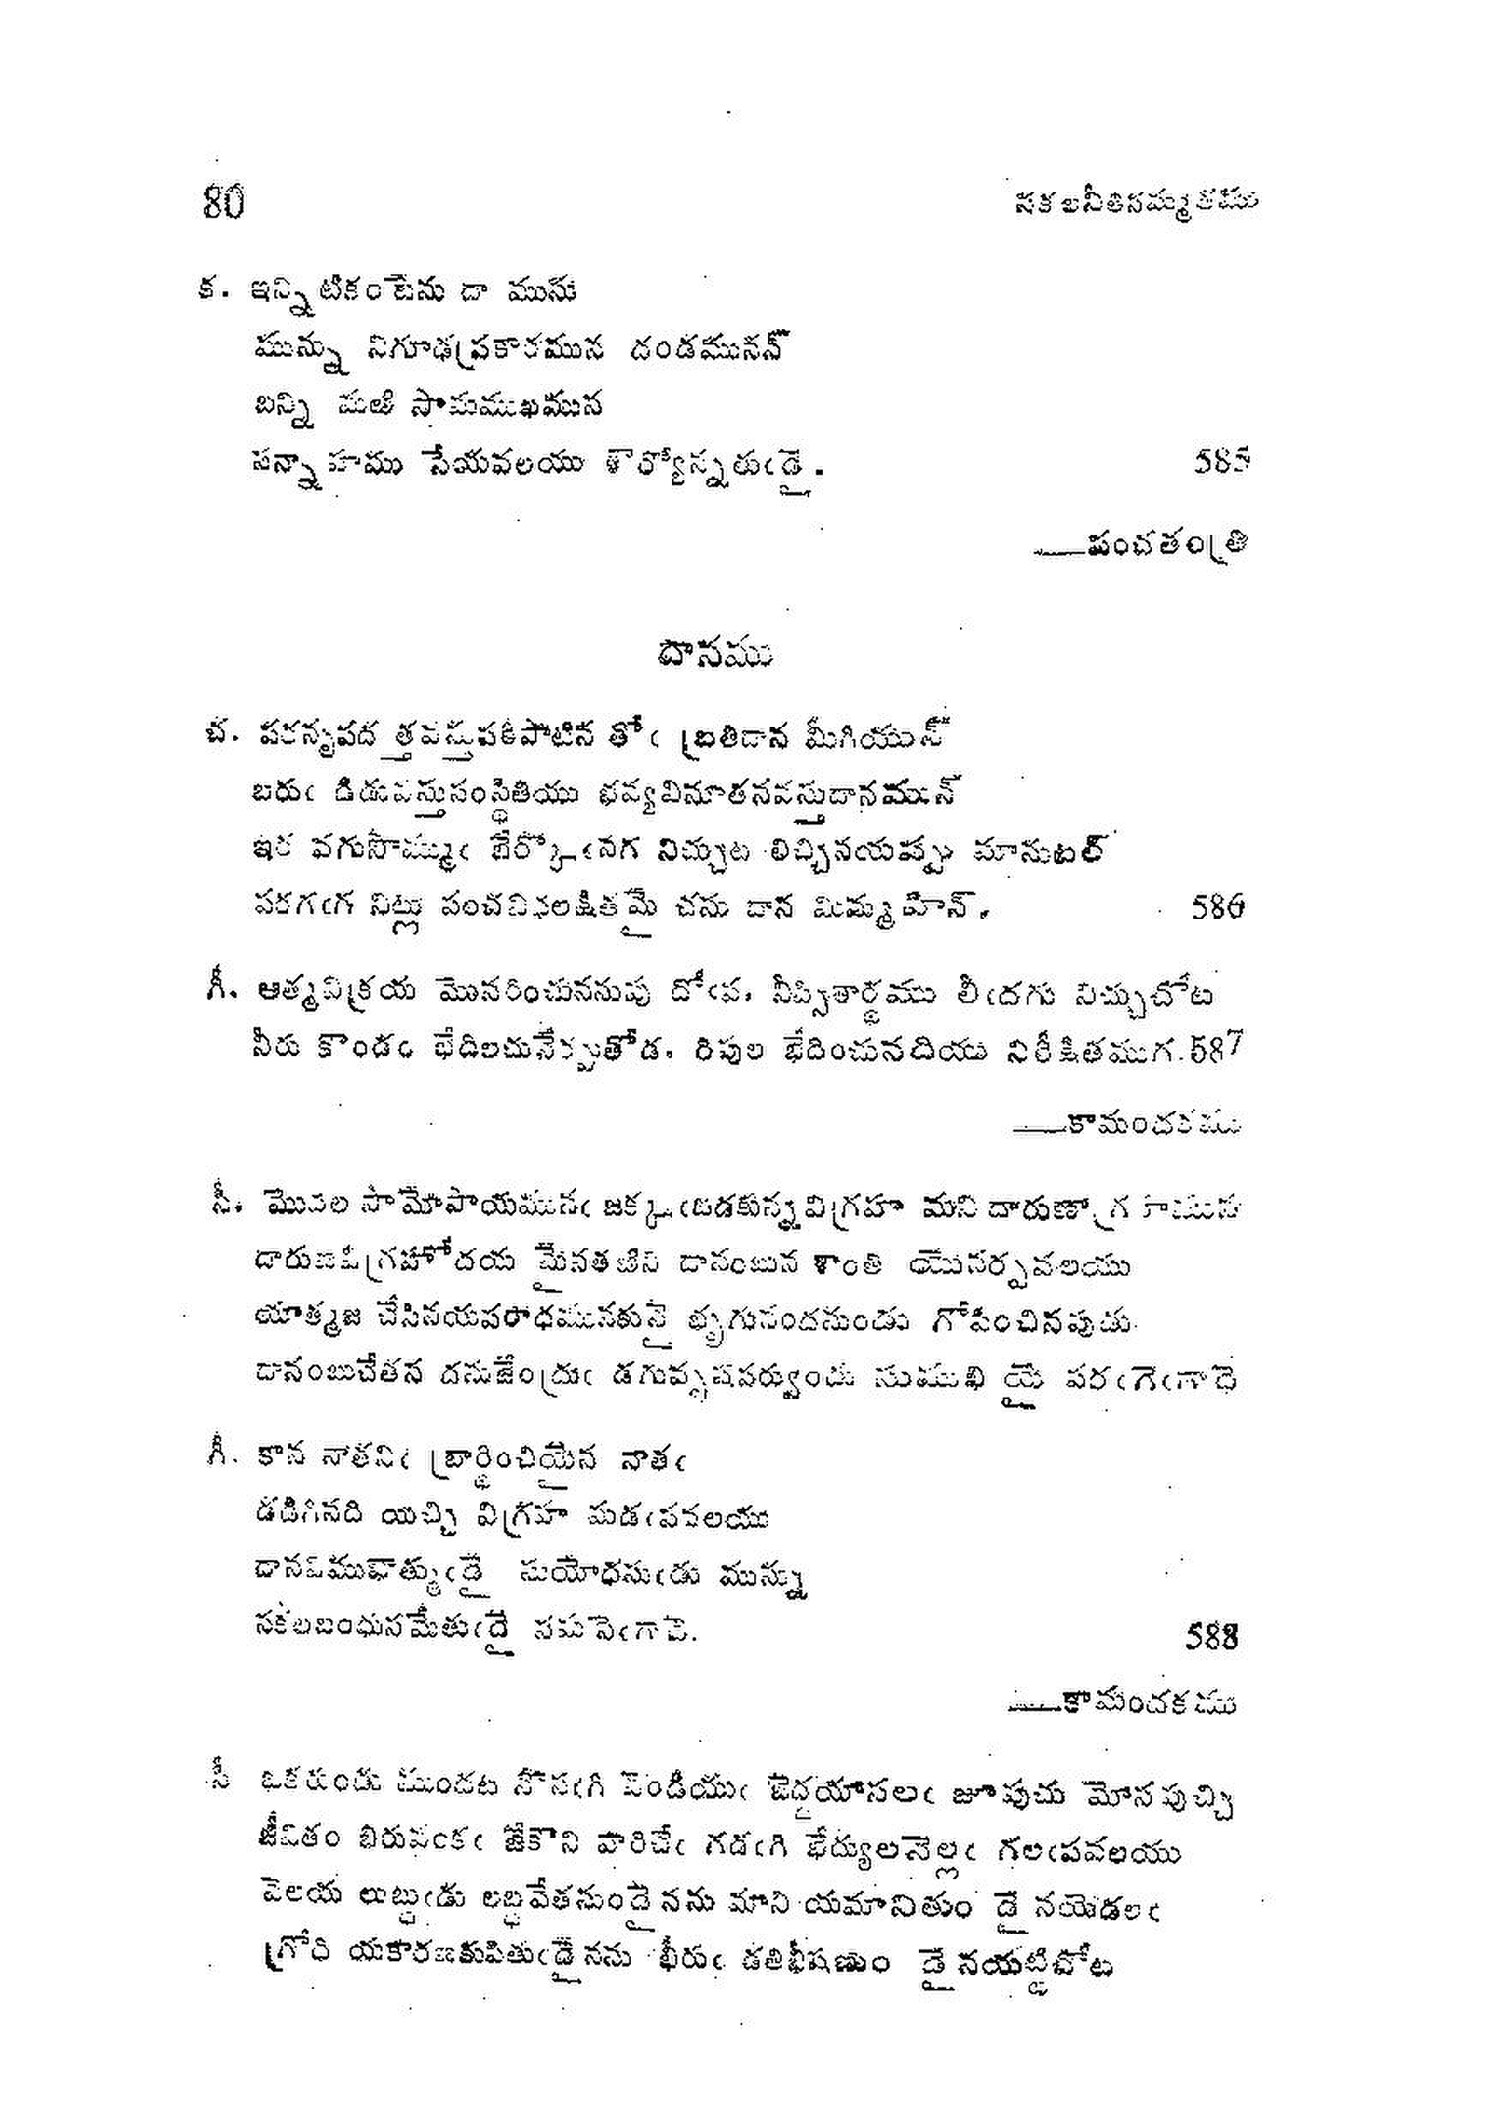క. ఇన్నిటికంటెను దా మును
మున్ను నిగూఢప్రకారమున దండమునన్
బన్ని మఱి సామముఖమున
సన్నాహము సేయవలయు శౌర్యోన్నతుఁడై. 585

చ. పరనృపదత్తవస్తుపరిపాటున తోఁ బ్రతిదాన మీగియున్
బరుఁ డిడువస్తుసంస్థితియు భవ్యవినూతనవస్తుదానమున్
ఇర వగుసొమ్ముఁ బేర్కొనఁగ నిచ్చుట లిచ్చిన యప్పు మానుటల్
పరగఁగ నిట్లు పంచవిధలక్షితమై చము దాన మిమ్మహిన్. 586

గీ. ఆత్మవిక్రయ మొనరించుననుపు దోఁప
నీప్సితార్థము లీఁదగు నిచ్చుచోట
నీరు కొండల భేదిలచునేర్పుతోడ
రిపుల భేదించునదియు నిరీక్షితముగ. 587

సీ. మొదల సామోపాయమునఁ జక్కఁబడకున్న
విగ్రహ మని దారుణాగ్రహమున
దారుణవిగ్రహోదయ మైనతఱిని
దానంబున శాంతి యొనర్పవలయు
యాత్మజ చేసిన యపరాధమునకునై
భృగునందనుండు గోపించినపుడు
దానంబుచేతన దనుజేంద్రుఁ డగు వృష
పర్వుండు సుముఖియై పరఁగెఁగాదె
గీ. కాన నాతనిఁ బ్రార్థించియైన నాతఁ
డడిగినది యిచ్చి విగ్రహ మడఁపవలయు
దానవిముఖాత్ముఁడై సుయోధనుఁడు మున్ను
సకలబంధుసమేతుఁడై సమసెఁగాదె. 588

సీ. ఒకరుండు ముందట నొసగి వెండియుఁ
బెద్దయాసలఁ జూపుచు మోసబుచ్చి
జీవితం బిరువంకఁ జేకొని వారిచేఁ
గడఁగి భేద్యులకెల్లఁ గలఁపవలయు
వెలయ లుబ్ధుఁడు లబ్ధవేతనుండైనను
మాని యమానితుం డైనయెడలఁ
గ్రోధి యకారణకుపితుఁ డైనను భీరుఁ
డతిభీషణుం డైనయట్టిచోట